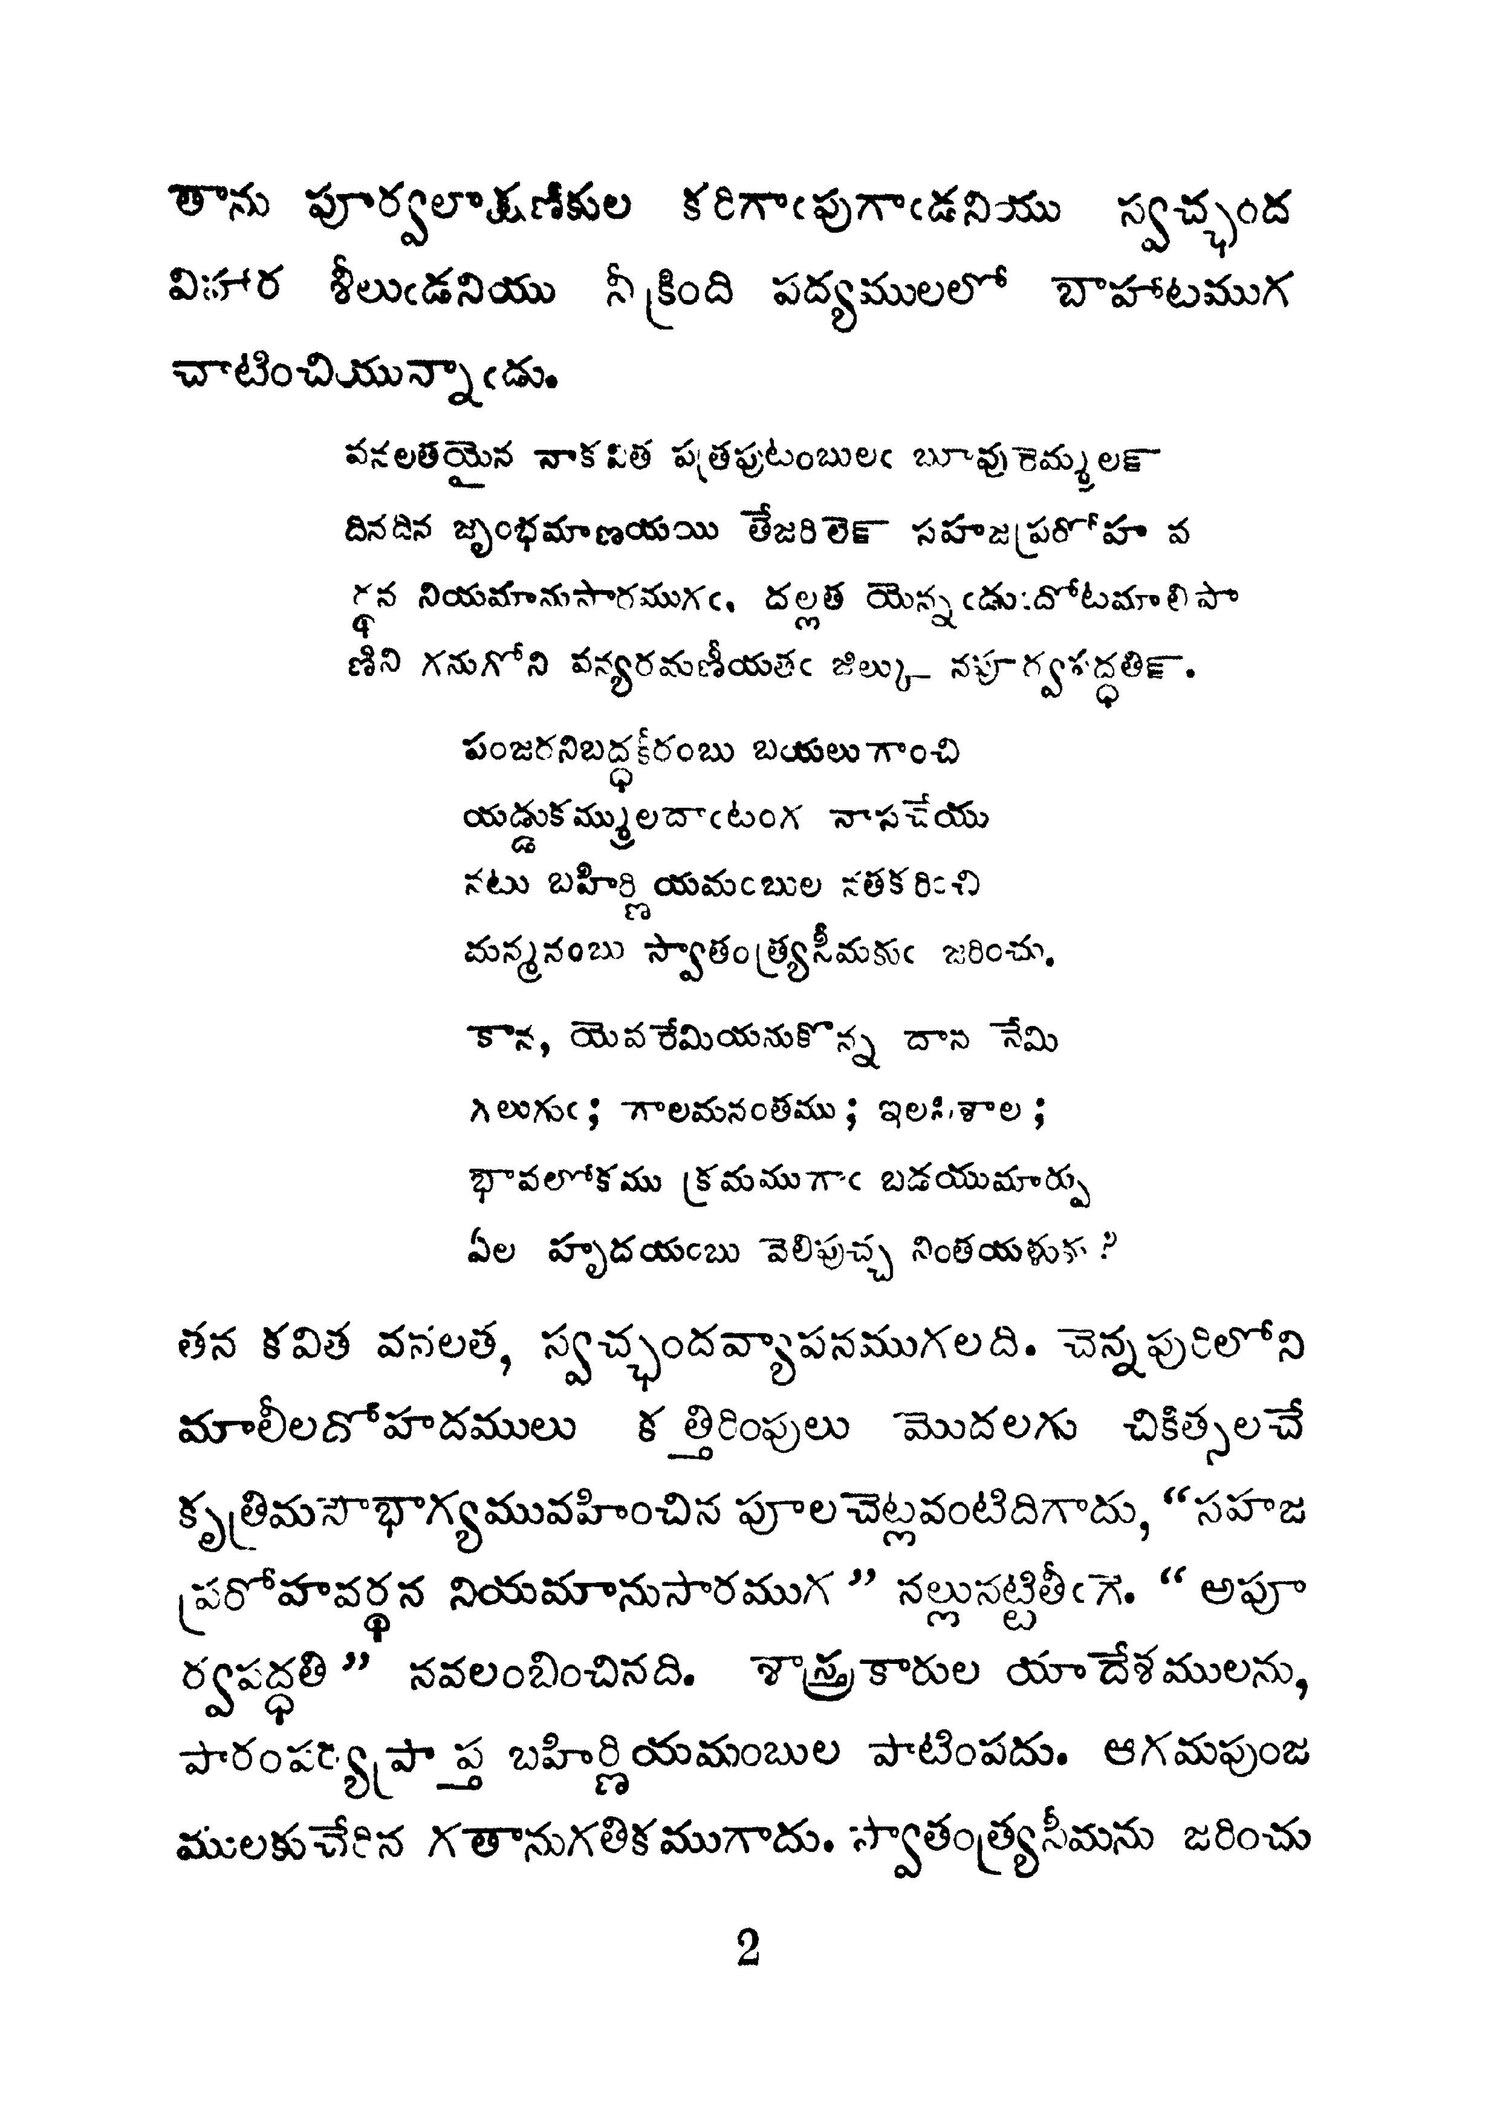తాను పూర్వలాక్షణికుల కరిగాపుగాడనియు స్వచ్ఛంద విహర శీలుడనియు నీక్రింది పద్యములలో బాహాటముగ చాటించి యున్నాడు.

తన కవిత వనలత, స్వచ్ఛందవ్యాపనముగలది. చెన్నపురిలోని మాలీలదోహదములు కత్తిరింపులు మొదలగు చికిత్సలచే కృత్రిమసౌభాగ్యమువహించిన పూలచెట్లవంటిదిగాదు, "సహజ ప్రరోహవర్ధన నియమానుసారముగ" నల్లునట్టితీగె. "అపూర్వపద్ధతి" నవలంబించినది. శాస్త్రకారుల యాదేశములను, పారంపర్యప్రాప్త బహిర్ణియమంబుల పాటింపదు. ఆగమ పుంజములకుచేరిన గతానుగతికముగాదు. స్వాతంత్ర్యసీమను జరించు